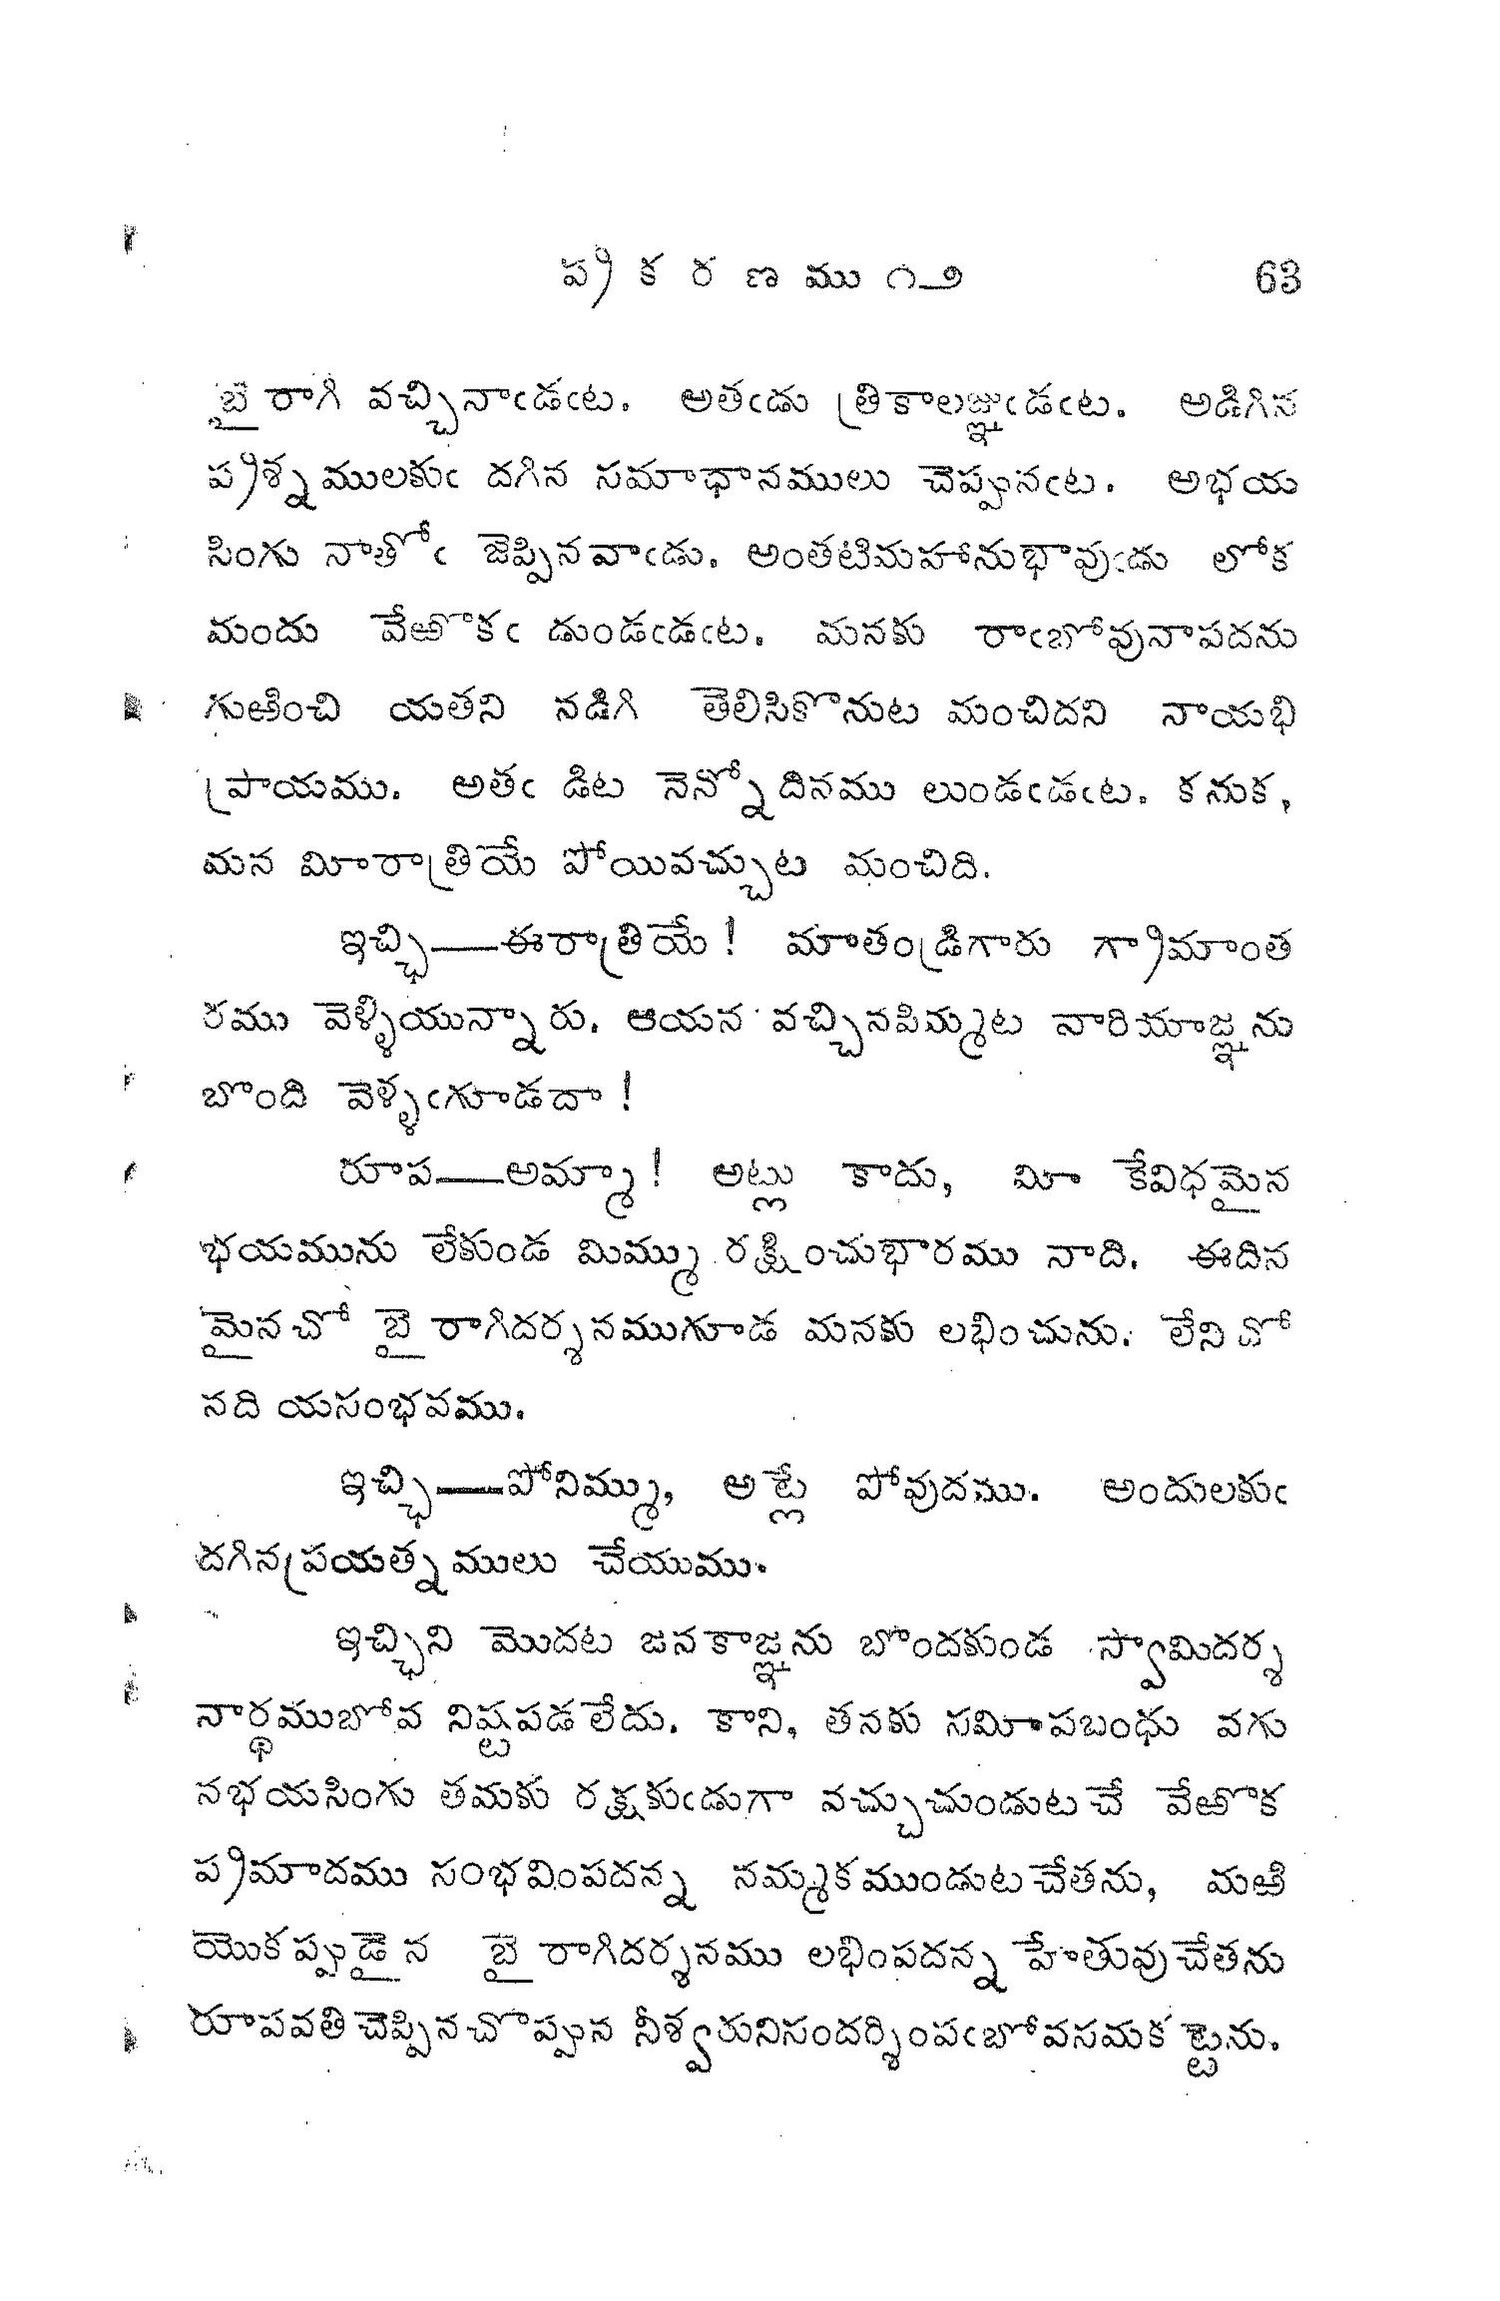బై రాగి వచ్చినాఁడఁట. అతఁడు త్రికాలజ్ఞుఁడఁట. అడిగిన ప్రశ్నములకుఁ దగిన సమాధానములు చెప్పునఁట. అభయ సింగు నాతోఁ జెప్పినవాడు. అంతటి మహానుభావుడు లోక
మందు వేఱొకఁ డుండఁడఁట. మనకు రాఁబోవు నాపదను గుఱించి యతని నడిగి తెలిసికొనుట మంచిదని నాయభిప్రాయము. అతఁ డిట నెన్నో దినము లుండఁడఁట. కనుక ,
మన మీరాత్రియే పోయివచ్చుట మంచిది.

ఇచ్ఛి: – ఈ రాత్రియే ! మాతండ్రిగారు గ్రామాంతరము వెళ్ళియున్నారు. ఆయన వచ్చిన పిమ్మట వారియాజ్ఞను బొంది వెళ్ళఁగూడదా !

రూప:— అమ్మా! అట్లు కాదు, మీ కేవిధమైన భయమును లేకుండ మిమ్ము రక్షించుభారము నాది.ఈదినమైన చో బై రాగిదర్శనముగూడ మనకు లభించును. లేని చో
నది యసంభవము.

ఇచ్ఛి:—-పోనిమ్ము, అట్లే పోవుదము. అందులకుఁ దగిన ప్రయత్నములు చేయుము.
ఇచ్ఛిని మొదట జన కాజ్ఞను బొందకుండ స్వామిదర్శనార్థముబోవ నిష్టపడ లేదు. కాని, తనకు సమీపబంధు వగు నభయసింగు తమకు రక్షకుఁడుగా వచ్చుచుండుట చే వేరొక
ప్రమాదము సంభవింపదన్న నమ్మకముండుట చేతను, మఱి యొకప్పుడైన బై రాగిదర్శనము లభింపదన్న హేతువు చేతను రూపవతి చెప్పిన చొప్పున నీశ్వరునిసందర్శింపఁబోవ సమకట్టెను.